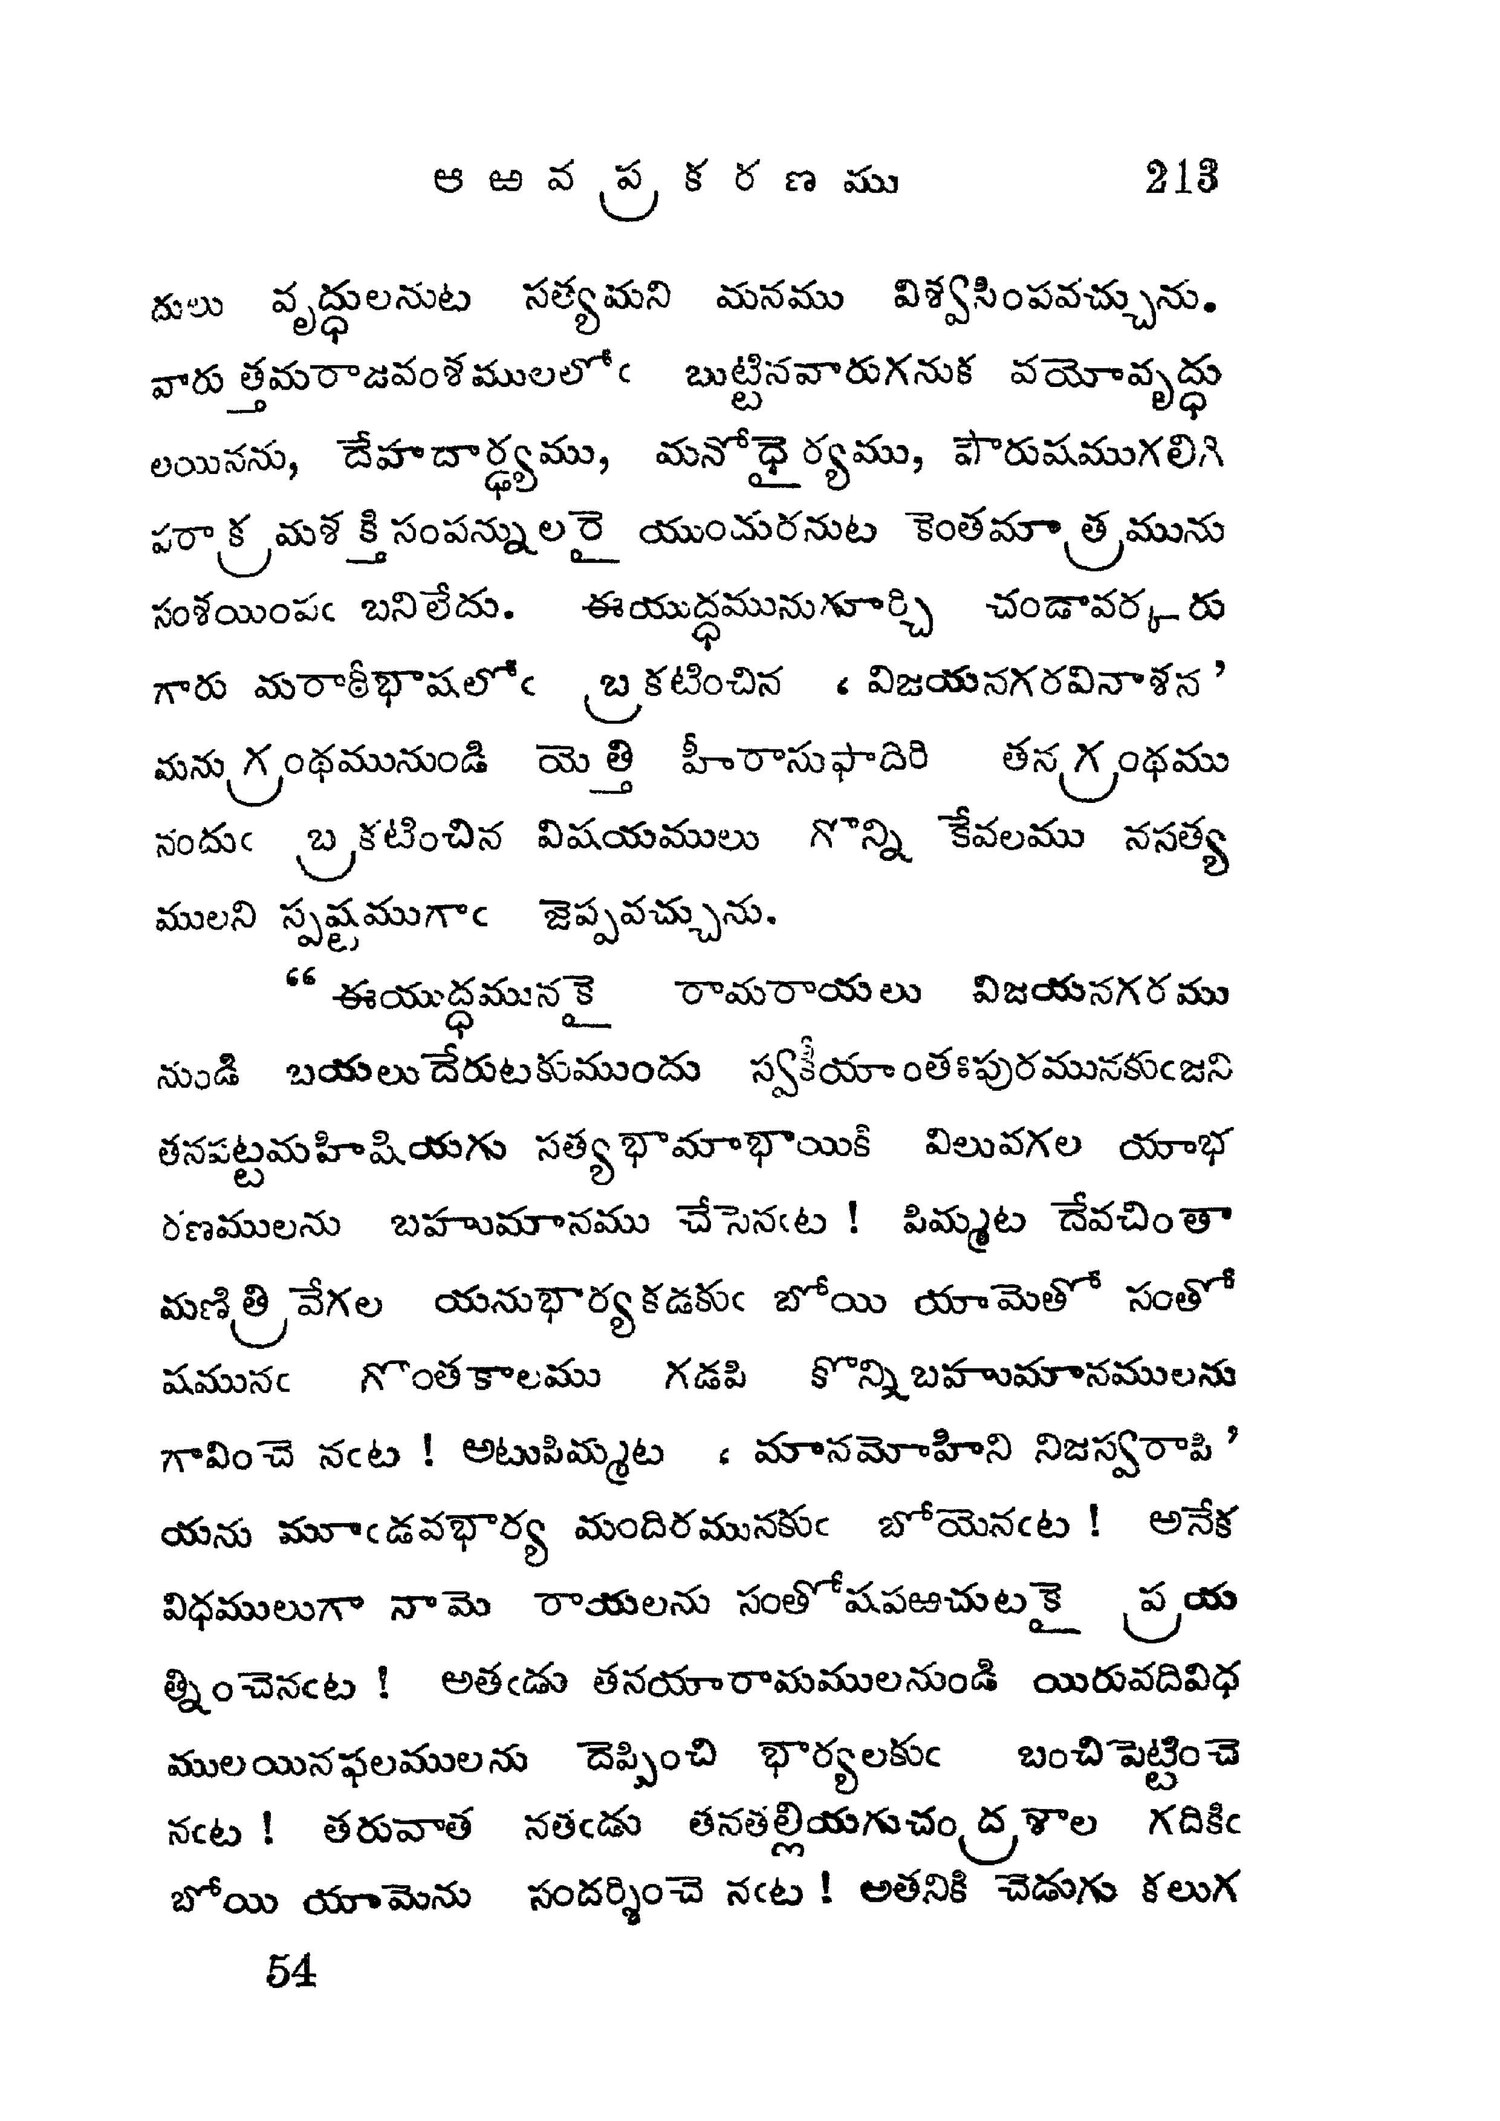దులు వృద్ధులనుట సత్యమని మనము విశ్వసింపవచ్చును. వారుత్తమరాజవంశములలో బుట్టినవారు గనుక వయోవృద్ధులయినను, దేహదార్డ్యము, మనోధైర్యము, పౌరుషముగలిగి పరాక్రమశక్తిసంపన్నులరై యుందురనుట కెంతమాత్రమును సంశయింప బనిలేదు. ఈయుద్ధమునుగూర్చి చండావర్కరుగారు మరాఠీభాషలో బ్రకటించిన 'విజయనగర వినాశన' మను గ్రంథమునుండి యెత్తి హీరాసుఫాదిరి తనగ్రంథమునందు బ్రకటించిన విషయములు గొన్ని కేవలము నసత్యములని స్పష్టముగా జెప్పవచ్చును.

"ఈయుద్ధమునకై రామరాయలు విజయనగరము నుండి బయలుదేరుటకు ముందు స్వకీయాంత:పురమునకుజని తనపట్టమహిషియగు సత్యభామాభాయికి విలువగల యాభరణములను బహుమానము చేసెనట ! పిమ్మట దేవచింతామణిత్రివేగల యనుభార్యకడకు బోయి యామెతో సంతోషమున గొంతకాలము గడపి కొన్నిబహుమానములను గావించె నట ! అటుపిమ్మట 'మానమోహిని నిజస్వరాపి' యను మూడవభార్య మందిరమునకు బోయెనట ! అనేక విధములుగా నామె రాయలను సంతోషపఱచుటకై ప్రయత్నించెనట ! అతడు తనయారామములనుండి యిరువదివిధములయిన ఫలములను దెప్పించి భార్యలకు బంచిపెట్టించె నట! తరువాత నతడు తనతల్లియగు చంద్రశాల గదికిబోయి యామెను సందర్శించె నట ! అతనికి చెడుగు కలుగ